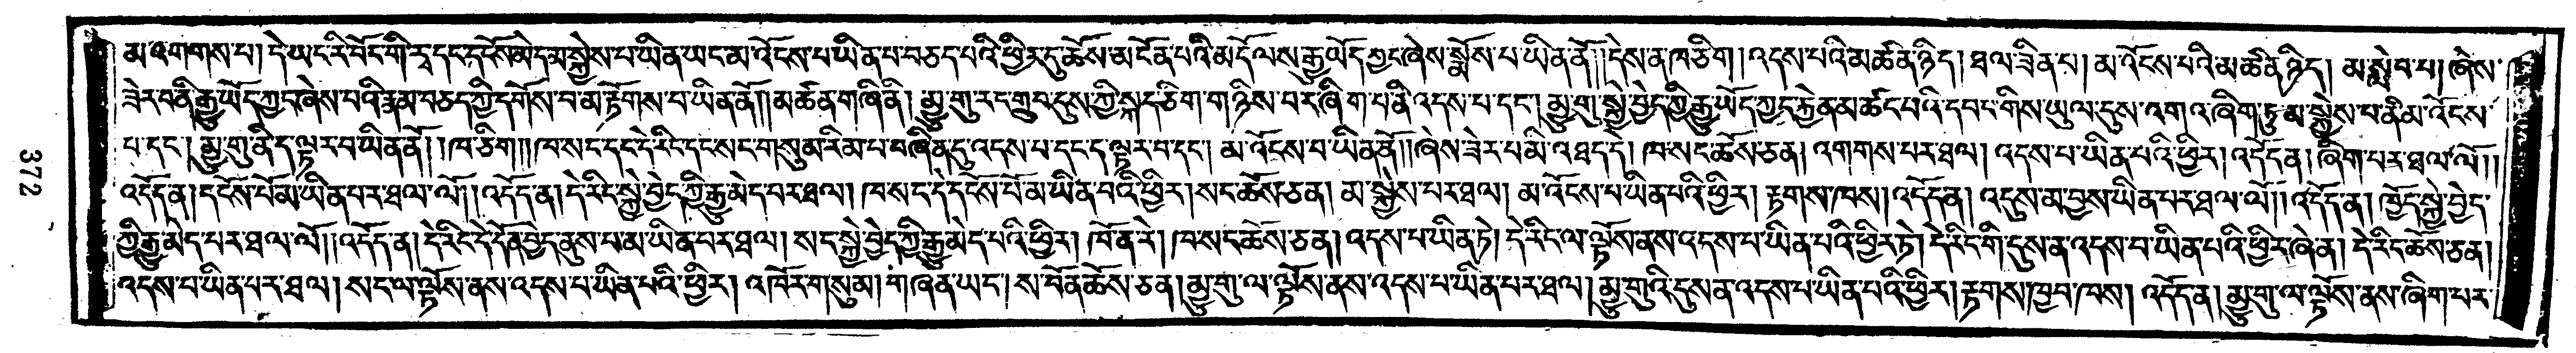མ་འགགས་པ། དེ་ཡང་རི་བོང་གི་རྭ་དང་དངོས་མེད་མ་སྐྱེས་པ་ཡིན་ཡང་མ་འོངས་པ་ཡིན་པ་བཅད་པའི་ཕྱིར་དུ་ཆོས་མངོན་པའི་མདོ་ལས་རྒྱུ་ཡོད་ཀྱང་ཞེས་སྨོས་པ་ཡིན་ནོ། །དེས་ན་ཁ་ཅིག ། འདས་པའི་མཚན་ཉིད། ཐལ་ཟིན་པ། མ་འོངས་པའི་མཚན་ཉིད། མ་སླེབ་པ། ཞེས་
ཟེར་བ་ནི་རྒྱུ་ཡོད་ཀྱང་ཞེས་པའི་རྣམ་བཅད་ཀྱི་དགོས་པ་མ་རྟོགས་པ་ཡིན་ནོ། །མཚན་གཞི་ནི། མྱུ་གུ་རང་གྲུབ་དུས་ཀྱི་སྐད་ཅིག་གཉིས་པར་ཞིག་པ་ནི་འདས་པ་དང་། མྱུ་གུ་སྐྱེ་བྱེད་ཀྱི་རྒྱུ་ཡོད་ཀྱང་རྐྱེན་མ་ཚང་བའི་དབང་གིས་ཡུལ་དུས་འགའ་ཞིག་ཏུ་མ་སྐྱེས་པ་ནི་མ་འོངས་
པ་དང་། མྱུ་གུ་ནི་ད་ལྟར་བ་ཡིན་ནོ། །ཁ་ཅིག ། ཁ་སང་དང་དེ་རིང་དང་སང་གསུམ་རིམ་པ་བཞིན་དུ་འདས་པ་དང་ད་ལྟར་བ་དང་། མ་འོངས་པ་ཡིན་ནོ། །ཞེས་ཟེར་བ་མི་འཐད་དེ། ཁ་སང་ཆོས་ཅན། འགགས་པར་ཐལ། འདས་པ་ཡིན་པའི་ཕྱིར། འདོད་ན། ཞིག་པར་ཐལ་ལོ། །
འདོད་ན། དངོས་པོ་མ་ཡིན་པར་ཐལ་ལོ། །འདོད་ན། དེ་རིང་སྐྱེ་བྱེད་ཀྱི་རྒྱུ་མེད་པར་ཐལ། ཁ་སང་དེ་དངོས་པོ་མ་ཡིན་པའི་ཕྱིར། སང་ཆོས་ཅན། མ་སྐྱེས་པར་ཐལ། མ་འོངས་པ་ཡིན་པའི་ཕྱིར། རྟགས་ཁས། འདོད་ན། འདུས་མ་བྱས་ཡིན་པར་ཐལ་ལོ། །འདོད་ན། ཁྱོད་སྐྱེ་བྱེད་
ཀྱི་རྒྱུ་མེད་པར་ཐལ་ལོ། །འདོད་ན། དེ་རིང་དེ་དོན་བྱེད་ནུས་པ་མ་ཡིན་པར་ཐལ། སང་སྐྱེ་བྱེད་ཀྱི་རྒྱུ་མེད་པའི་ཕྱིར། ཁོ་ན་རེ། ཁ་སང་ཆོས་ཅན། འདས་པ་ཡིན་ཏེ། དེ་རིང་ལ་ལྟོས་ནས་འདས་པ་ཡིན་པའི་ཕྱིར་ཏེ། དེ་རིང་གི་དུས་ན་འདས་པ་ཡིན་པའི་ཕྱིར་ཞེ་ན། དེ་རིང་ཆོས་ཅན།
འདས་པ་ཡིན་པར་ཐལ། སང་ལ་ལྟོས་ནས་འདས་པ་ཡིན་པའི་ཕྱིར། འཁོར་གསུམ། གཞན་ཡང་། ས་བོན་ཆོས་ཅན། མྱུ་གུ་ལ་ལྟོས་ནས་འདས་པ་ཡིན་པར་ཐལ། མྱུ་གུའི་དུས་ན་འདས་པ་ཡིན་པའི་ཕྱིར། རྟགས་ཁྱབ་ཁས། འདོད་ན། མྱུ་གུ་ལ་ལྟོས་ནས་ཞིག་པར་